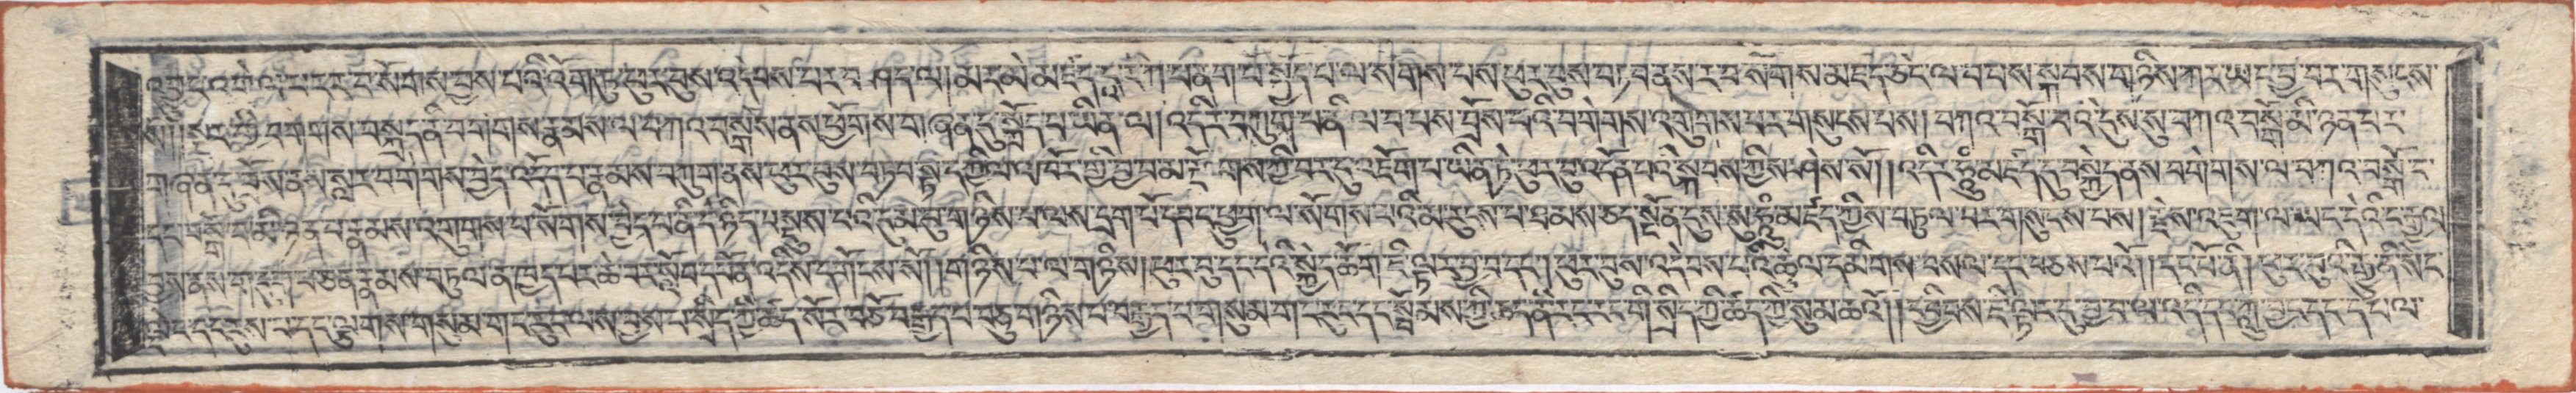འབྱུང་འགྲེལ་པར་ར་བ་སོགས་བྱས་པའི་འོག་ཏུ་ཕུར་བུས་འདེབས་པར་བཤད་ལ། མར་མེ་མཛད་དཱ་རི་ཀ་པ་ནག་པོ་སྤྱོད་པ་ལ་སོགས་པས་ཕུར་བུས་བཏབ་ནས་ར་བ་སོགས་མཛད་ཅིང་ལ་བ་པས་སྐབས་གཉིས་ཀར་ཡང་བྱ་བར་གསུངས་
སོ། །སྔར་གྱི་བགེགས་བསྐྲད་ནི་བགེགས་རྣམས་ལ་བཀའ་བསྒོས་ནས་ཕྱོགས་གཞན་དུ་སྐྲོད་པ་ཡིན་ལ། འདིར་བཀུག་པ་ནི་ལ་བ་པས་བྲོས་པའི་བགེགས་འགུགས་པར་གསུངས་པས། བཀའ་བསྒོ་བའི་དུས་སུ་བཀའ་བསྒོ་མི་ཉན་པར་
གཞན་དུ་བྲོས་ནས་སླར་བགེགས་བྱེད་འདོད་པ་རྣམས་བཀུག་ནས་ཕུར་བུས་བཏབ་སྟེ་དཀྱིལ་འཁོར་གྱི་བྱ་བ་མ་རྫོགས་ཀྱི་བར་དུ་འཇོག་པ་ཡིན་ཏེ་ཕུར་བུ་འདོན་པའི་སྐབས་ཀྱིས་ཤེས་སོ། །འདིར་ཧཱུཾ་མཛད་དུ་བསྐྱེད་ནས་བགེགས་ལ་བཀའ་བསྒོ་བ་
དང་བསྒོ་བ་མི་ཉན་པ་རྣམས་འགུགས་པ་སོགས་བྱེད་པ་ནི་དེ་ཉིད་བསྡུས་པའི་དུམ་བུ་གཉིས་པ་ལས་དྲག་པོ་དབང་ཕྱུག་ལ་སོགས་པའི་མ་རུངས་པ་ཐམས་ཅད་སྔོན་དུས་སུ་ཧཱུཾ་མཛད་ཀྱིས་བཏུལ་བར་གསུངས་པས། རྗེས་འཇུག་ལ་ཡང་དེའི་ང་རྒྱལ་
བྱས་ནས་གདུག་པ་ཅན་རྣམས་བཏུལ་ན་ཁྱད་པར་ཆེ་བར་སློབ་དཔོན་འདིས་དགོངས་སོ། །གཉིས་པ་ལ་གཉིས། ཕུར་བུ་དང་དེའི་སྐྱེད་ཆོག་ཇི་ལྟར་བྱ་བ་དང་། ཕུར་བུས་འདེབས་པའི་ཚུལ་དམིགས་བསལ་དང་བཅས་པའོ། །དང་པོ་ནི། ཕུར་བུའི་རྒྱུ་ནི་སེང་
ལྡེང་དང་རུས་པ་དང་ལྕགས་གསུམ་གང་རུང་ལས་བྱས་པ་སྲིད་ཀྱི་ཚད་སོར་བཅོ་བརྒྱད་པ་བཅུ་གཉིས་པ་བརྒྱད་པ་གསུམ་གང་རུང་དང་སྦོམས་ཀྱི་ཆད་ནི་རང་རང་གི་སྲིད་ཀྱི་ཚད་ཀྱི་སུམ་ཆའོ། །དབྱིབས་ཇི་ལྟར་དུ་བྱ་བ་ལ་འདི་དང་ཀླུ་བྱང་དང་དཔལ་